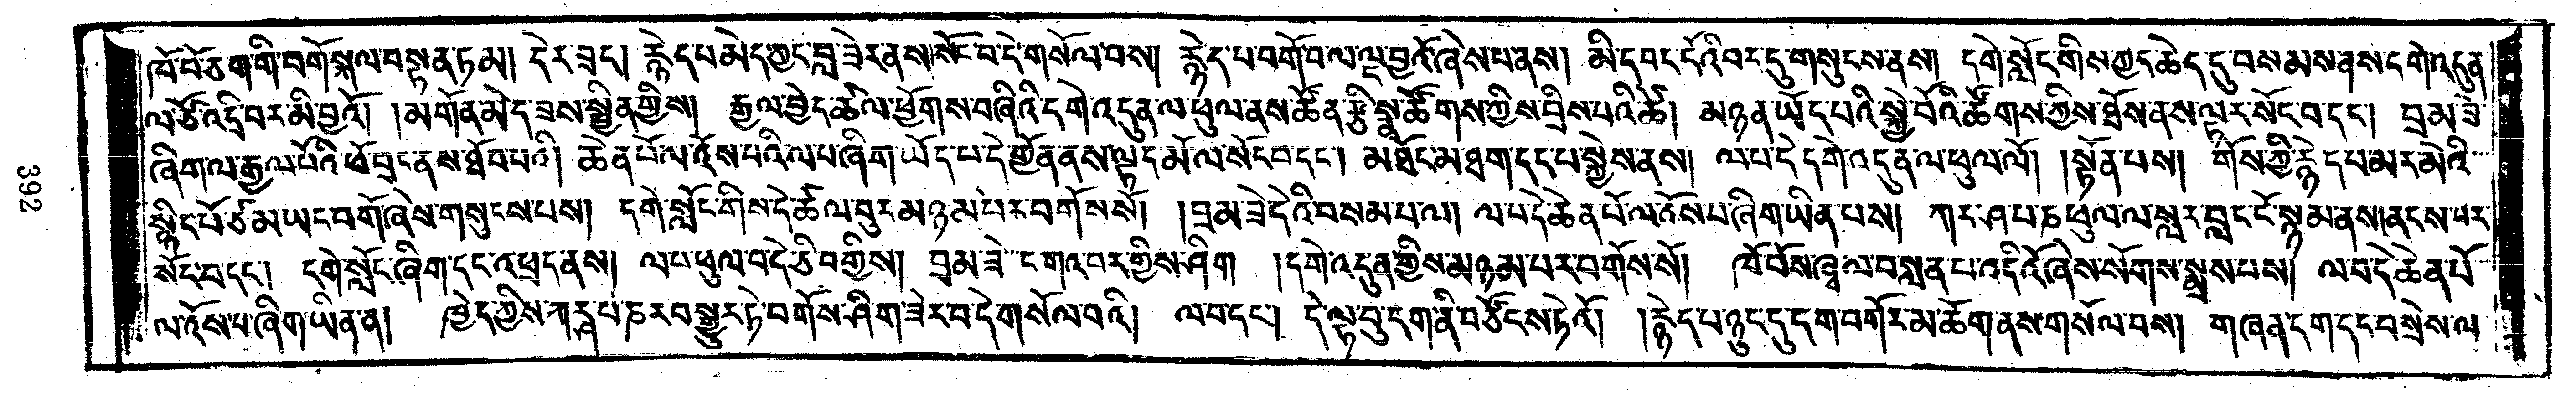ཁོ་བོ་ཅག་གི་བགོ་སྐལ་བསྟན་ཏམ། དེར་ཟང་། རྙེད་པ་མེད་ཀྱང་བླ་ཟེར་ནས། སོང་བ་དེ་གསོལ་བས། རྙེད་པ་བགོ་བ་ལ་ལྔ་བྱའོ་ཞེས་པ་ནས། མི་དབང་ངོའི་བར་དུ་གསུངས་ནས། དགེ་སློང་གིས་ཀྱང་ཆེད་དུ་བསམས་ནས་དགེ་འདུན་
ལ་ཙོ་འདྲི་བར་མི་བྱའོ། །མགོན་མེད་ཟས་སྦྱིན་གྱིས། རྒྱལ་བྱེད་ཚལ་ཕྱོགས་བཞིའི་དགེ་འདུན་ལ་ཕུལ་ནས་ཚོན་རྩི་སྣ་ཚོགས་ཀྱི་བྲིས་པའི་ཚེ། མཉན་ཡོད་པའི་སྐྱེ་བོའི་ཚོགས་ཀྱིས་ཐོས་ནས་ལྟར་སོང་བ་དང་། བྲམ་ཟེ་
ཞིག་ལ་རྒྱལ་པོའི་ཕོ་བྲང་ནས་ཐོབ་པའི། ཆེན་པོ་ལ་འོས་པའི་ལ་བ་ཞིག་ཡོད་པ་དེ་གྱོན་ནས་ལྟད་མོ་ལ་སོང་བ་དང་། མཐོང་མ་ཐག་དང་པ་སྐྱེས་ནས། ལ་པ་དེ་དགེ་འདུན་ལ་ཕུལ་ལོ། །སྟོན་པས། གོས་ཀྱི་རྙེད་པ་མར་མེའི་
སྙིང་པོ་ཙམ་ཡང་བགོ་ཞེས་གསུངས་པས། དགེ་སློང་གིས་དེ་ཚལ་བུར་མཉམ་པར་བགོས་སོ། །བྲམ་ཟེ་དེའི་བསམ་པ་ལ། ལ་བ་དེ་ཆེན་པོ་ལ་འོས་པ་ཞིག་ཡིན་པས། ཀར་ཤ་པ་ཎ་ཕུལ་ལ་སླར་བླང་ངོ་སྙམ་ནས། ནངས་པར་
སོང་བ་དང་། དགེ་སློང་ཞིག་དང་འཕྲད་ནས། ལ་བ་ཕུལ་བ་དེ་ཅི་བགྱིས། བྲམ་ཟེ་དགའ་བར་གྱིས་ཤིག །དགེ་འདུན་གྱིས་མཉམ་པར་བགོས་སོ། ཁོ་བོས་ཞྭ་ལ་བསླན་པ་འདིའོ་ཞེས་སོགས་སྨྲས་པས། ལ་བ་དེ་ཆེན་པོ་
ལ་འོས་པ་ཞིག་ཡིན་ན། ཁྱེད་ཀྱིས་ཀརྴ་པ་ཎར་བསྒྱུར་ཏེ་བགོས་ཤིག་ཟེར་བ་དེ་གསོལ་བའི། ལ་བ་དང་། དེ་ལྟ་བུ་དག་ནི་བཙོངས་ཏེའོ། །རྙེད་པ་ཉུང་དུ་དག་བགོར་མ་ཆོག་ནས་གསོལ་བས། གཞན་དག་དང་བསྲེས་ལ་